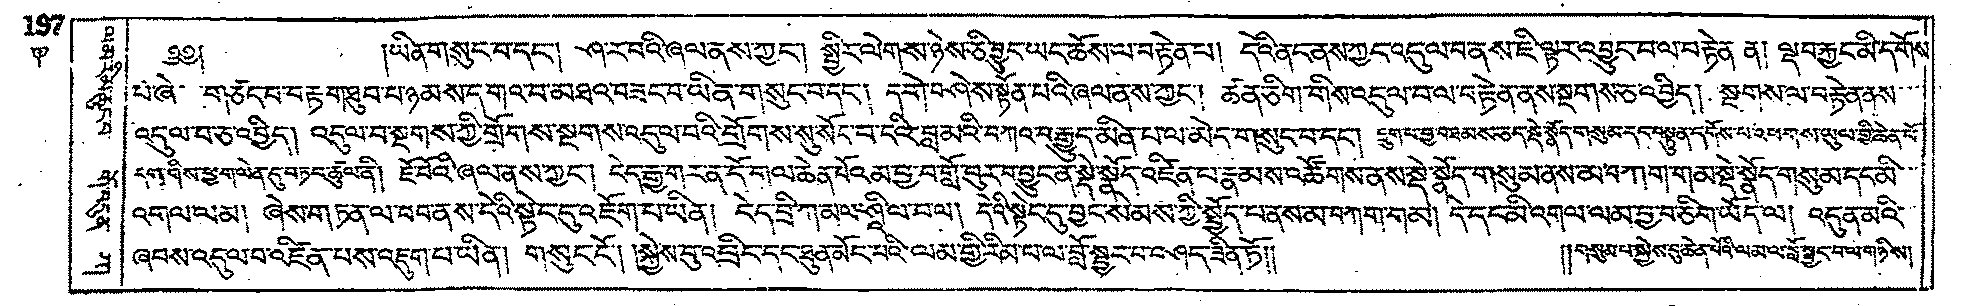༄༅། །ཡིན་གསུང་བ་དང་། ཤར་ར་བའི་ཞལ་ནས་ཀྱང་། སྤྱིར་ལེགས་ཉེས་ཅི་བྱུང་ཡང་ཆོས་ལ་བརྟེན་པ། དེའི་ནང་ནས་ཀྱང་འདུལ་བ་ནས་ཇི་ལྟར་འབྱུང་བ་ལ་བརྟེན་ན། ལྡབ་རྐྱང་མི་དགོས་
པ་ཞེ་གཙང་བ་བརྟག་ཐུབ་པ་ཉམས་དགའ་བ་མཐའ་བཟང་བ་ཡིན་གསུང་བ་དང་། དགེ་བཤེས་སྟོན་པའི་ཞལ་ནས་ཀྱང་། ཚན་ཅིག་གིས་འདུལ་བ་ལ་བརྟེན་ནས་སྔགས་ཅ་འབྱིད། སྔགས་ལ་བརྟེན་ནས་
འདུལ་བ་ཅ་འབྱིད། འདུལ་བ་སྔགས་ཀྱི་གྲོགས་སྔགས་འདུལ་བའི་གྲོགས་སུ་སོང་བ་ངའི་བླ་མའི་བཀའ་བརྒྱུད་མིན་པ་ལ་མེད་གསུང་བ་དང་། དྲུག་པ་བྱ་བ་ཐམས་ཅད་སྡེ་སྣོད་གསུམ་དང་བསྟུན་དགོས་པ་འཕགས་ཡུལ་གྱི་ཆེན་པོ་
དག་གིས་ཕྱག་ལེན་དུ་བཏབ་ཚུལ་ནི། ཇོ་བོའི་ཞལ་ནས་ཀྱང་། ངེད་རྒྱ་གར་ན་དོ་གལ་ཆེན་པོའམ་བྱ་བ་གློ་བུར་བ་བྱུང་ན་སྡེ་སྣོད་འཛིན་པ་རྣམས་འཚོགས་ནས་སྡེ་སྣོད་གསུམ་ནས་མ་བཀག་གམ་སྡེ་སྣོད་གསུམ་དང་མི་
འགལ་ལམ། ཞེས་གཏན་ལ་ཕབ་ནས་དེའི་སྟེང་དུ་འཇོག་པ་ཡིན། ངེད་བྲི་ཀ་མ་ལ་ཤཱི་བ་ལ། དེའི་སྟེང་དུ་བྱང་སེམས་ཀྱི་སྤྱོད་པ་ནས་མ་བཀག་གམ། དེ་དང་མི་འགལ་ལམ་བྱ་བ་ཅིག་ཡོད་ལ། འདུན་མའི་
ཞབས་འདུལ་བ་འཛིན་པས་འཇུག་པ་ཡིན། གསུང་ངོ། །སྐྱེས་བུ་འབྲིང་དང་ཐུན་མོང་པའི་ལམ་གྱི་རིམ་པ་ལ་བློ་སྦྱང་བ་བཤད་ཟིན་ཏོ།། །།གསུམ་པ་སྐྱེས་བུ་ཆེན་པོའི་ལམ་ལ་བློ་སྦྱང་བ་ལ་གཉིས།